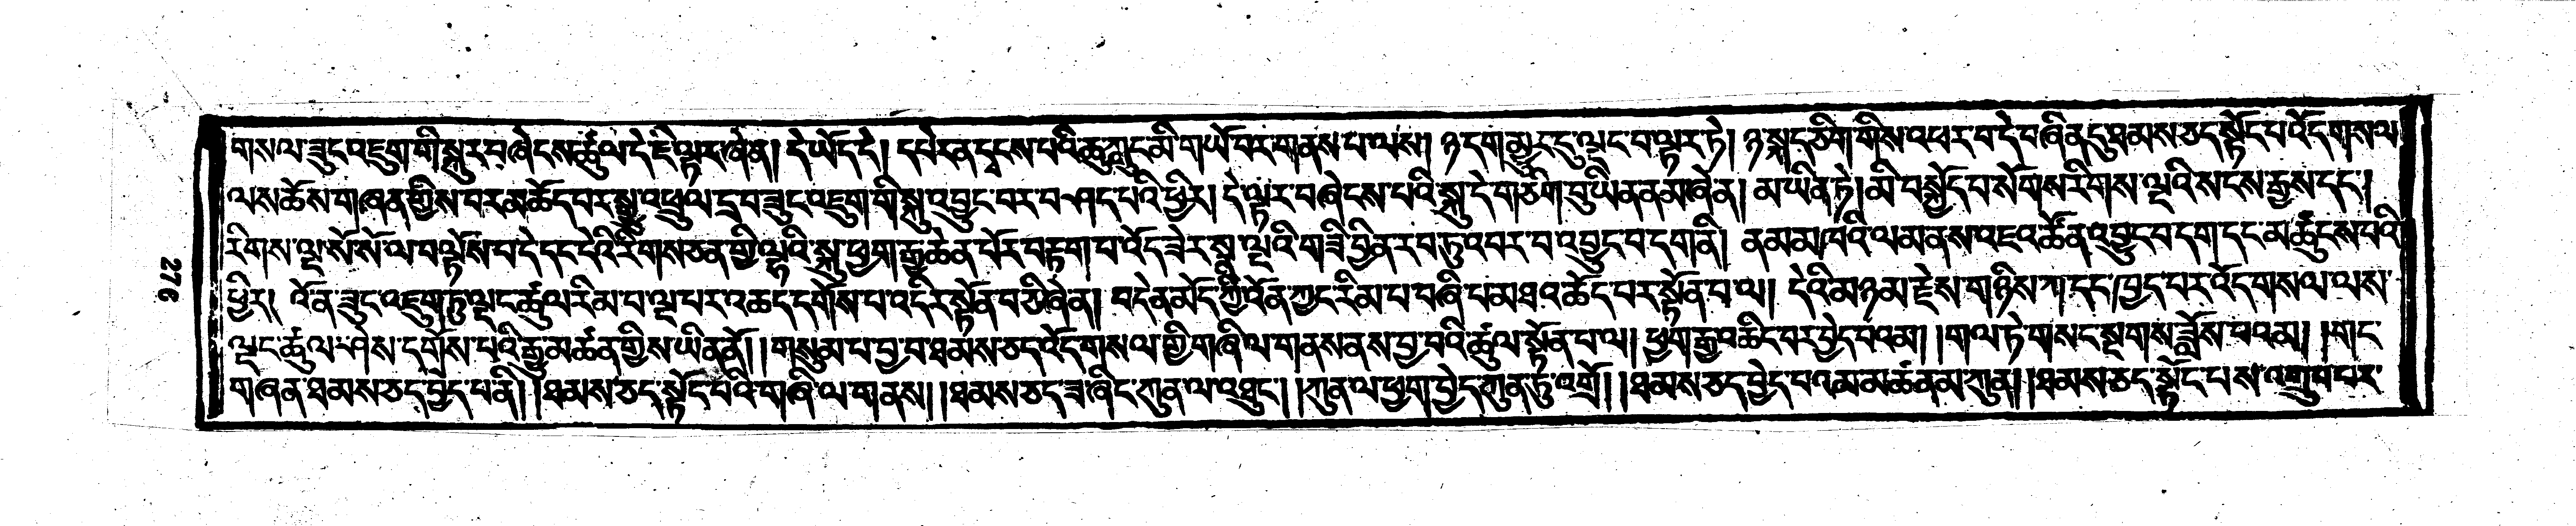གསལ་ཟུང་འཇུག་གི་སྐུར་བཞེངས་ཚུལ་དེ་ཇི་ལྟར་ཞེ་ན། དེ་ཡོད་དེ། དཔེར་ན་དྲངས་པའི་ཆུ་ཀླུང་མི་གཡོ་བར་གནས་པ་ལས། ཉ་དག་མྱུར་དུ་ལྡང་བ་ལྟར་ཏེ། ཉ་སྐད་ཅིག་གིས་འཕར་བ་དེ་བཞིན་དུ་ཐམས་ཅད་སྟོང་པ་འོད་གསལ་
ལས་ཆོས་གཞན་གྱིས་བར་མ་ཆོད་པར་སྒྱུ་འཕྲུལ་དྲ་བ་ཟུང་འཇུག་གི་སྐུ་འབྱུང་བར་བཤད་པའི་ཕྱིར། དེ་ལྟར་བཞེངས་པའི་སྐུ་དེ་གཅིག་པུ་ཡིན་ནམ་ཞེ་ན། མ་ཡིན་ཏེ། མི་བསྐྱོད་པ་སོགས་རིགས་ལྔའི་སངས་རྒྱས་དང་།
རིགས་ལྔ་སོ་སོ་ལ་བལྟོས་པ་དེ་དང་དེའི་རིགས་ཅན་གྱི་ལྷའི་སྐུ་ཕྱག་རྒྱ་ཆེན་པོར་བརྟག་པ་འོད་ཟེར་སྣ་ལྔའི་གཟི་བྱིན་རབ་ཏུ་འབར་བ་འབྱུང་བ་དག་ནི། ནམ་མཁའི་ལམ་ནས་འཇའ་ཚོན་འབྱུང་བ་དག་དང་མཚུངས་པའི་
ཕྱིར༑ འོ་ན་ཟུང་འཇུག་ཏུ་ལྡང་ཚུལ་རིམ་པ་ལྔ་པར་འཆད་དགོས་པ་འདིར་སྟོན་པ་ཅི་ཞེ་ན། བདེན་མོད་ཀྱི་འོན་ཀྱང་རིམ་པ་བཞི་པ་མཐའ་ཆོད་པར་སྟོན་པ་ལ། དེའི་མཉམ་རྗེས་གཉིས་ཀ་དང་ཁྱད་པར་འོད་གསལ་ལས་
ལྡང་ཚུལ་ཤེས་དགོས་པའི་རྒྱུ་མཚན་གྱིས་ཡིན་ནོ། །གསུམ་པ་བྱ་བ་ཐམས་ཅད་འོད་གསལ་གྱི་གཞི་ལ་གནས་ནས་བྱ་བའི་ཚུལ་སྟོན་པ་ལ། ཕྱག་རྒྱ་འཆིང་བར་བྱེད་པའམ། །གལ་ཏེ་གསང་སྔགས་ཟློས་པའམ། །གང་
གཞན་ཐམས་ཅད་བྱེད་པ་ནི། །ཐམས་ཅད་སྟོང་པའི་གཞི་ལ་གནས། །ཐམས་ཅད་ཟ་ཞིང་ཀུན་ལ་འཐུང་། །ཀུན་ལ་ཕྱག་བྱེད་ཀུན་ཏུ་འགྲོ། །ཐམས་ཅད་བྱེད་པའམ་མཚན་མ་ཀུན། །ཐམས་ཅད་སྟོང་པས་འགྲུབ་པར་